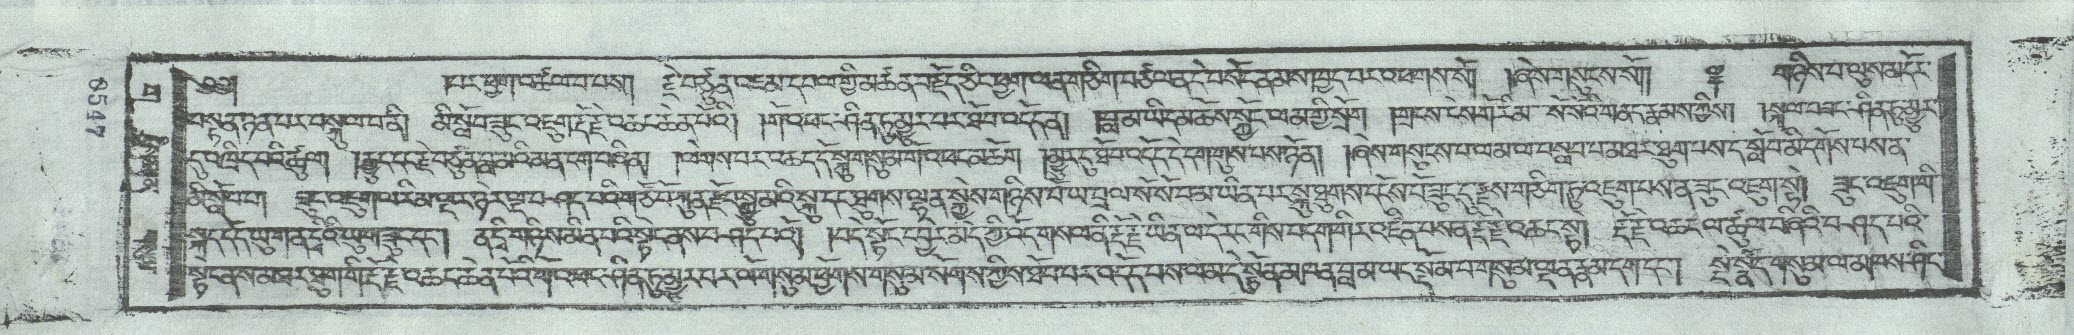༄༅། །པར་ཕྱག་འཚལ་བ་པས། རྗེ་བཙུན་འཇམ་དཔལ་གྱི་མཚན་བརྗོད་ཅིང་ཕྱག་ལན་གཅིག་བཙལ་ན་དེ་བསོད་ནམས་ཁྱད་པར་འཕགས་སོ། །ཞེས་གསུངས་སོ།། ༈ གཉིས་པ་ལུས་མདོར་
བསྟན་ཉན་པར་བསྐུལ་བ་ནི། མི་སློབ་ཟུང་འཇུག་རྡོ་རྗེ་འཆང་ཆེན་པོའི། །གོ་འཕང་ཤིན་ཏུ་མྱུར་བར་ཐོབ་འདོད་ན། །བླ་མ་ཡི་དམ་ཆོས་སྐྱོང་ལམ་གྱི་སྲོག །གྲངས་ངེས་གོ་རིམ་སོ་སོའི་གནད་རྣམས་ཀྱིས། །སྐལ་བཟང་ཤིན་ཏུ་མྱུར་
དུ་འཁྲིད་པའི་ཚུལ། །རྒྱུད་དང་རྗེ་བཙུན་བླ་མའི་མན་ངག་བཞིན། །ལེགས་པར་འཆད་དོ་སྐུ་གསུམ་གོ་འཕང་མཆོག །མྱུར་དུ་ཐོབ་འདོད་དེ་དག་གུས་པས་ཉོན། །ཞེས་གསུངས་པ་ལམ་ལ་བསླབ་པ་མཐར་ཐུག་པས་ད་སློབ་མི་དགོས་པས་ན་
མི་སློབ་པ། ཟུང་འཇུག་ལ་རིམ་ལྔར་ཉེར་ལྔ་བཤད་པའི་གཙོ་བོ་ཀུན་རྫོབ་སྒྱུ་མའི་སྐུ་དང་ཐུགས་ལྷན་སྐྱེས་གཉིས་པོ་ཡ་བྲལ་སོ་སོ་བ་མ་ཡིན་པར་སྐུ་ཐུགས་དངོས་པོ་ཟུང་དུ་རྫས་གཅིག་ཏུ་འཇུག་པས་ན་ཟུང་འཇུག་སྟེ། ཟུང་འཇུག་གི་
སྐད་དོད་ཡུ་ག་ན་དྭིའི་ཡུ་གཟུང་དང་། ན་དྭི་གཉིས་མིན་པའི་སྟེང་ནས་བཤད་པའོ། །བདེ་སྟོང་དབྱེར་མེད་ཀྱི་འོད་གསལ་ནི་རྡོ་རྗེ་ཡིན་ལ་དེ་རང་གིས་བདག་གིར་འཛིན་པས་ན་རྡོ་རྗེ་འཆང་སྟེ། རྡོ་རྗེ་འཆང་ལ་ཚུལ་བཞིའི་བཤད་པའི་
སྟེང་ནས་མཐར་ཐུག་གི་རྡོ་རྗེ་འཆང་ཆེན་པོའི་གོ་འཕང་ཤིན་ཏུ་མྱུར་བར་ལོ་གསུམ་ཕྱོགས་གསུམ་སོགས་ཀྱིས་ཐོབ་པར་འདོད་པས་ལམ་དེ་སྟོན་མཁན་བླ་མ་ཡང་སྡོམ་པ་གསུམ་ལྡན་རྣམ་དག་དང་། སྡེ་སྣོད་གསུམ་ལ་མཁས་ཤིང་